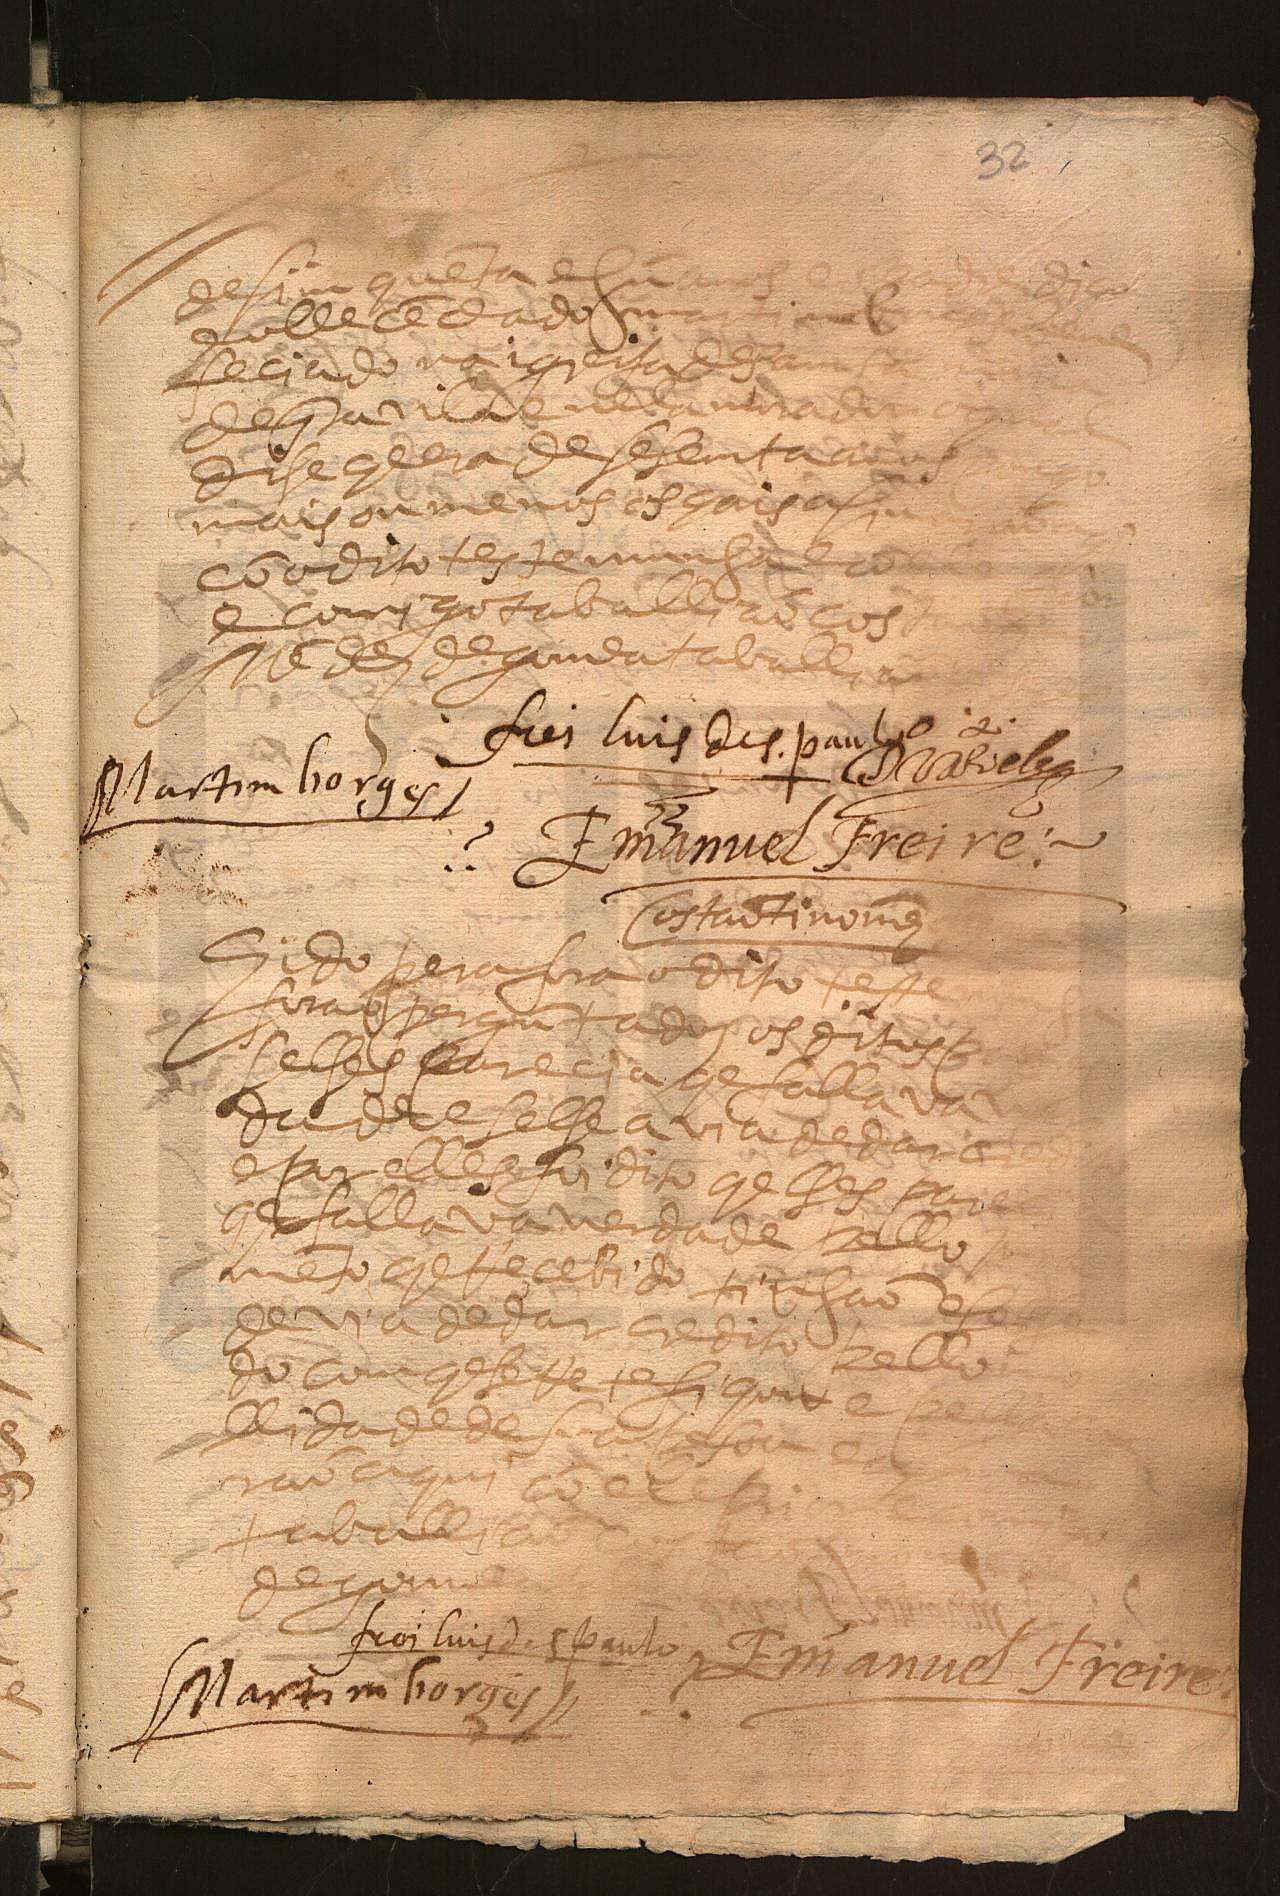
de simquēta e hū anos e o padre digo
do llecēceado martim borges bene
feciado na igreija de samta maria
desta vila e nela morador o qual
dise qe era de sesemta anos pouqo
mais ou menos os qais asinaraõ
cō o dito testemunha e
e comjgo taballiaõ cost
Mēdez de gouuea taballiaõ
frei luis de s. paulo
Martim borges /
Em̄anuel Freire
Costaõtino m̄ez
E ido pera fora o dito testemunha
foraõ pergūtados os ditos p
se lhes parecia qe fallava
dade e se lhe avia de dar credito
e por elles foi dito qe lhes parecia
qe fallava uerdade pello
mēto E e Recebido tinhaõ e se
devia de dar credito pello
do com qe se Retefiqou e pella ca
llidade de sua pesoa e
raõ aqui cō ele prior e comigo
taballiaõ
de gomes
frei luis de s paulo
Em̄anuel Freire
Martim borges
